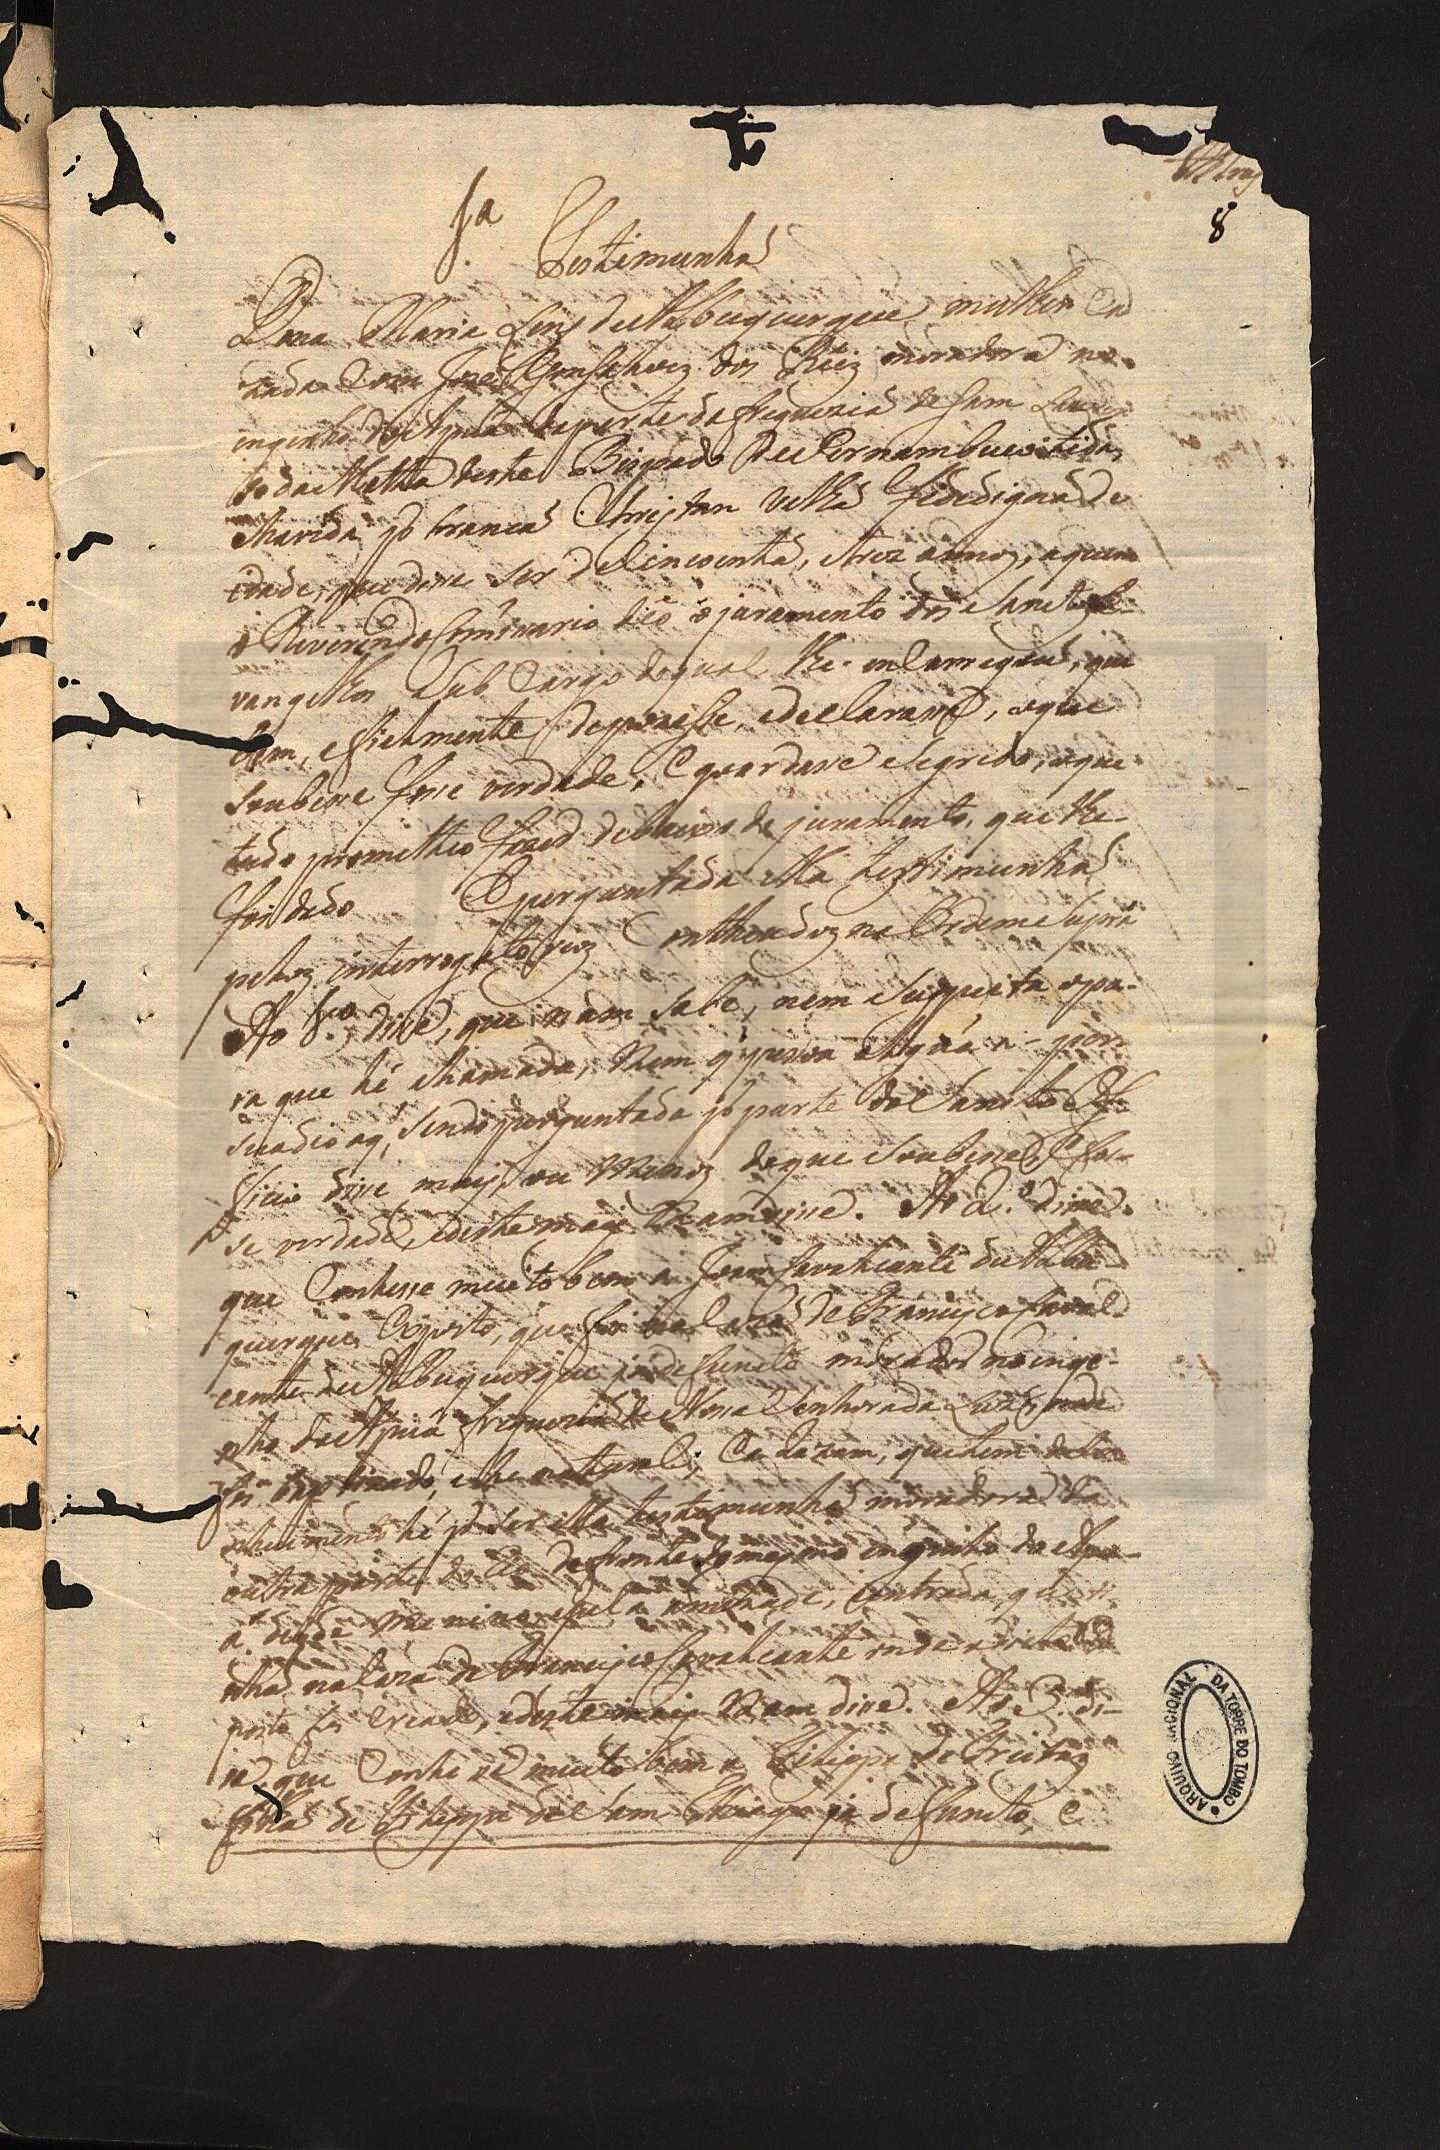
sa
Testimunha
Dona Maria Lins de Albuquerque mulher ca
zada com Joze Gonsalves dos Reiz moradora no
engenho do Apuá da parte da freguezia de sam Louren
so da Matta deste Bispado de Pernambuco tida
e havida p̄ branca Christan velha fidedigna de
idade, que disse ser de Cincoenta, e trez annos, a quem
o Reverendo Com̄issario dêo o juramento dos Sanctos E
vangelhos Sub Cargo do qual lhe encarregaõ, que
bem, e fielmente depozesse, e declarasse, o que
soubesse fosse verdade, E guardasse Segredo, o que
tudo prometteo fazer debaixo do juramento, que lhe
foi dado. E perguntada ella testimunha
peloz interrogatorioz Contheudoz na Ordem Supra
Ao 1.o, disse, que nam sabe, nem suspeita o pa
ra que hé chamada, nem q̄ pessoa alguā. a - per
suadio a q̄ sendo perguntada p̄ parte do Sancto Of
ficio disse mais, ou Menoz do que soubesse, E fos
se verdade, e deste mais Nam disse. Ao 2.o disse
que Conhesse muito bem a Joam Cavalcante de Albu
querque Exposto, que foi na Caza de Francisco Caval
cante de Albuquerque ja defuncto morador no inge
nho do Apuá freguezia de Nossa Senhora da Luz, onde
foi baptizado, e he natural; E a Razam, que tem de Co
nhecimento hé p̄ ser ella testemunha moradora da
outra parte do Rio defronte do mesmo engenho de Apu
á desde menina pela amizade, e entrada, que ti
nha na Caza de Francisco Cavalcante onde o dicto de
posto foi Criado, e deste mais Nam disse. Ao 3.o di
se que Conhesse muito bem a Filippe de Freitaz
filho de Filippe de Sam Thiago ja defuncto, e
